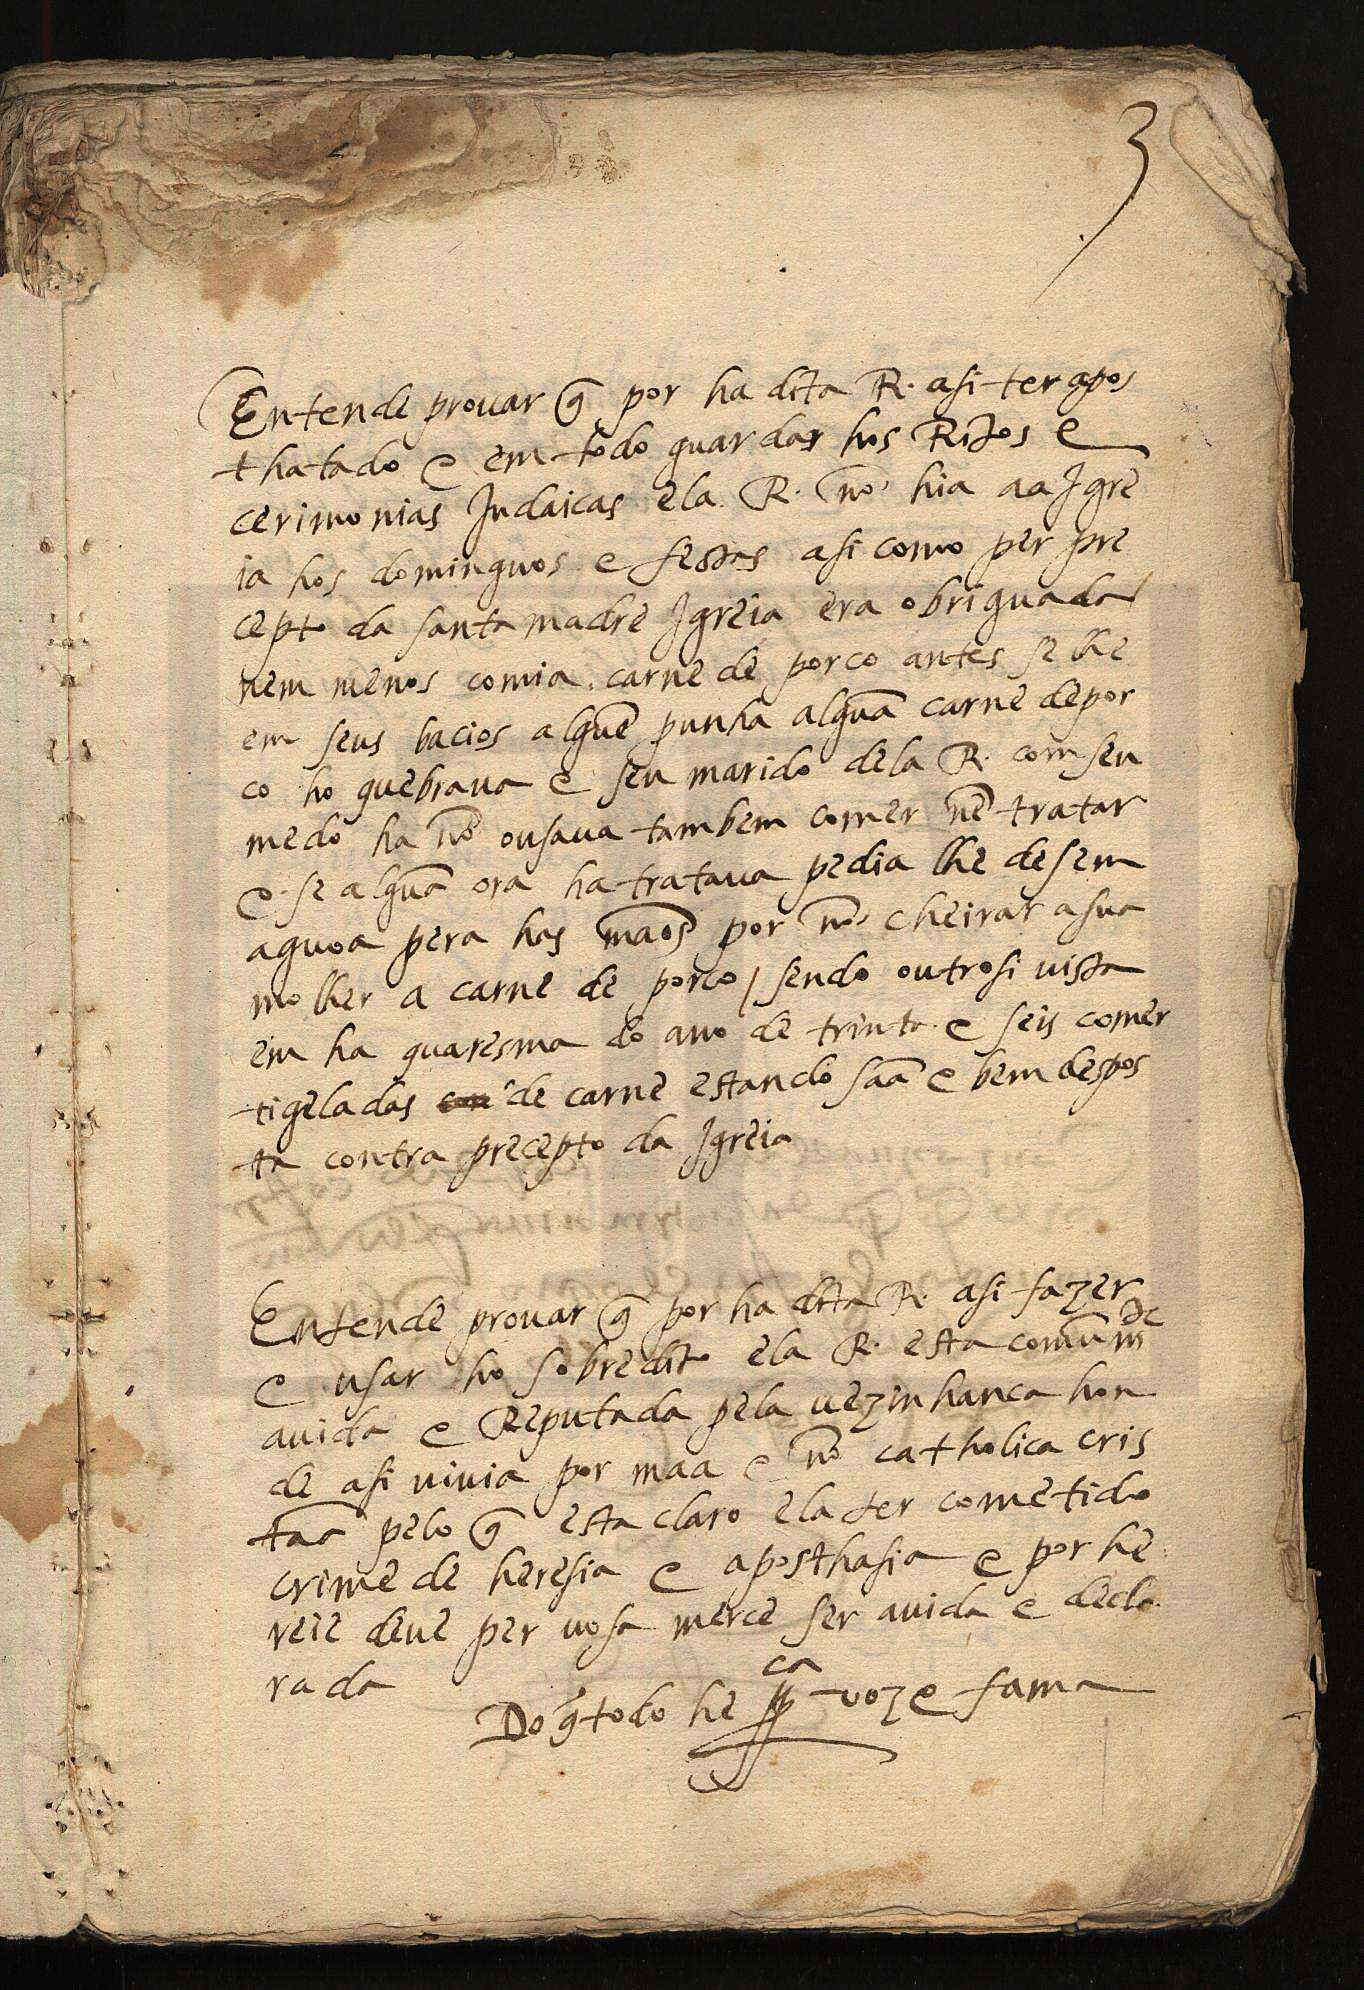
Entende prouar q̅ por ha dita R. asi ter apos
thatado e em todo guardar hos Ritos e
cerimonias Judaicas ela R. nō hia aa Jgre
ia hos dominguos e festas asi como per pre
cepto da santa madre Jgreia era obriguada
nem menos comia carne de porco antes se lhe
em seus bacios algu̅e punha algu̅a carne de por
co ho quebraua e seu marido dela R. com seu
medo ha nō ousaua tambem comer nē tratar
e se algu̅a ora ha trataua pedia lhe desem
aguoa pera has mãos por nō cheirar a sua
molher a carne de porco / sendo outrosi uista
em ha quaresma do ano de trinta e seis comer
tigeladas _ de carne estando saā e bem despos
ta contra precepto da Jgreia
Entende prouar q̅ por ha dita R. asi fazer
e usar ho sobredito ela R. esta comūmte
auida e Reputada pela uezinhanca hon
de asi uiuia por maa e nō catholica cris
taã pelo q̅ esta claro ela ter cometido
crime de heresia e aposthasia e por he
reie deue per uosa merce ser auida e decla
rada
Do q̅ todo he ꝓꝓca voz e fama
